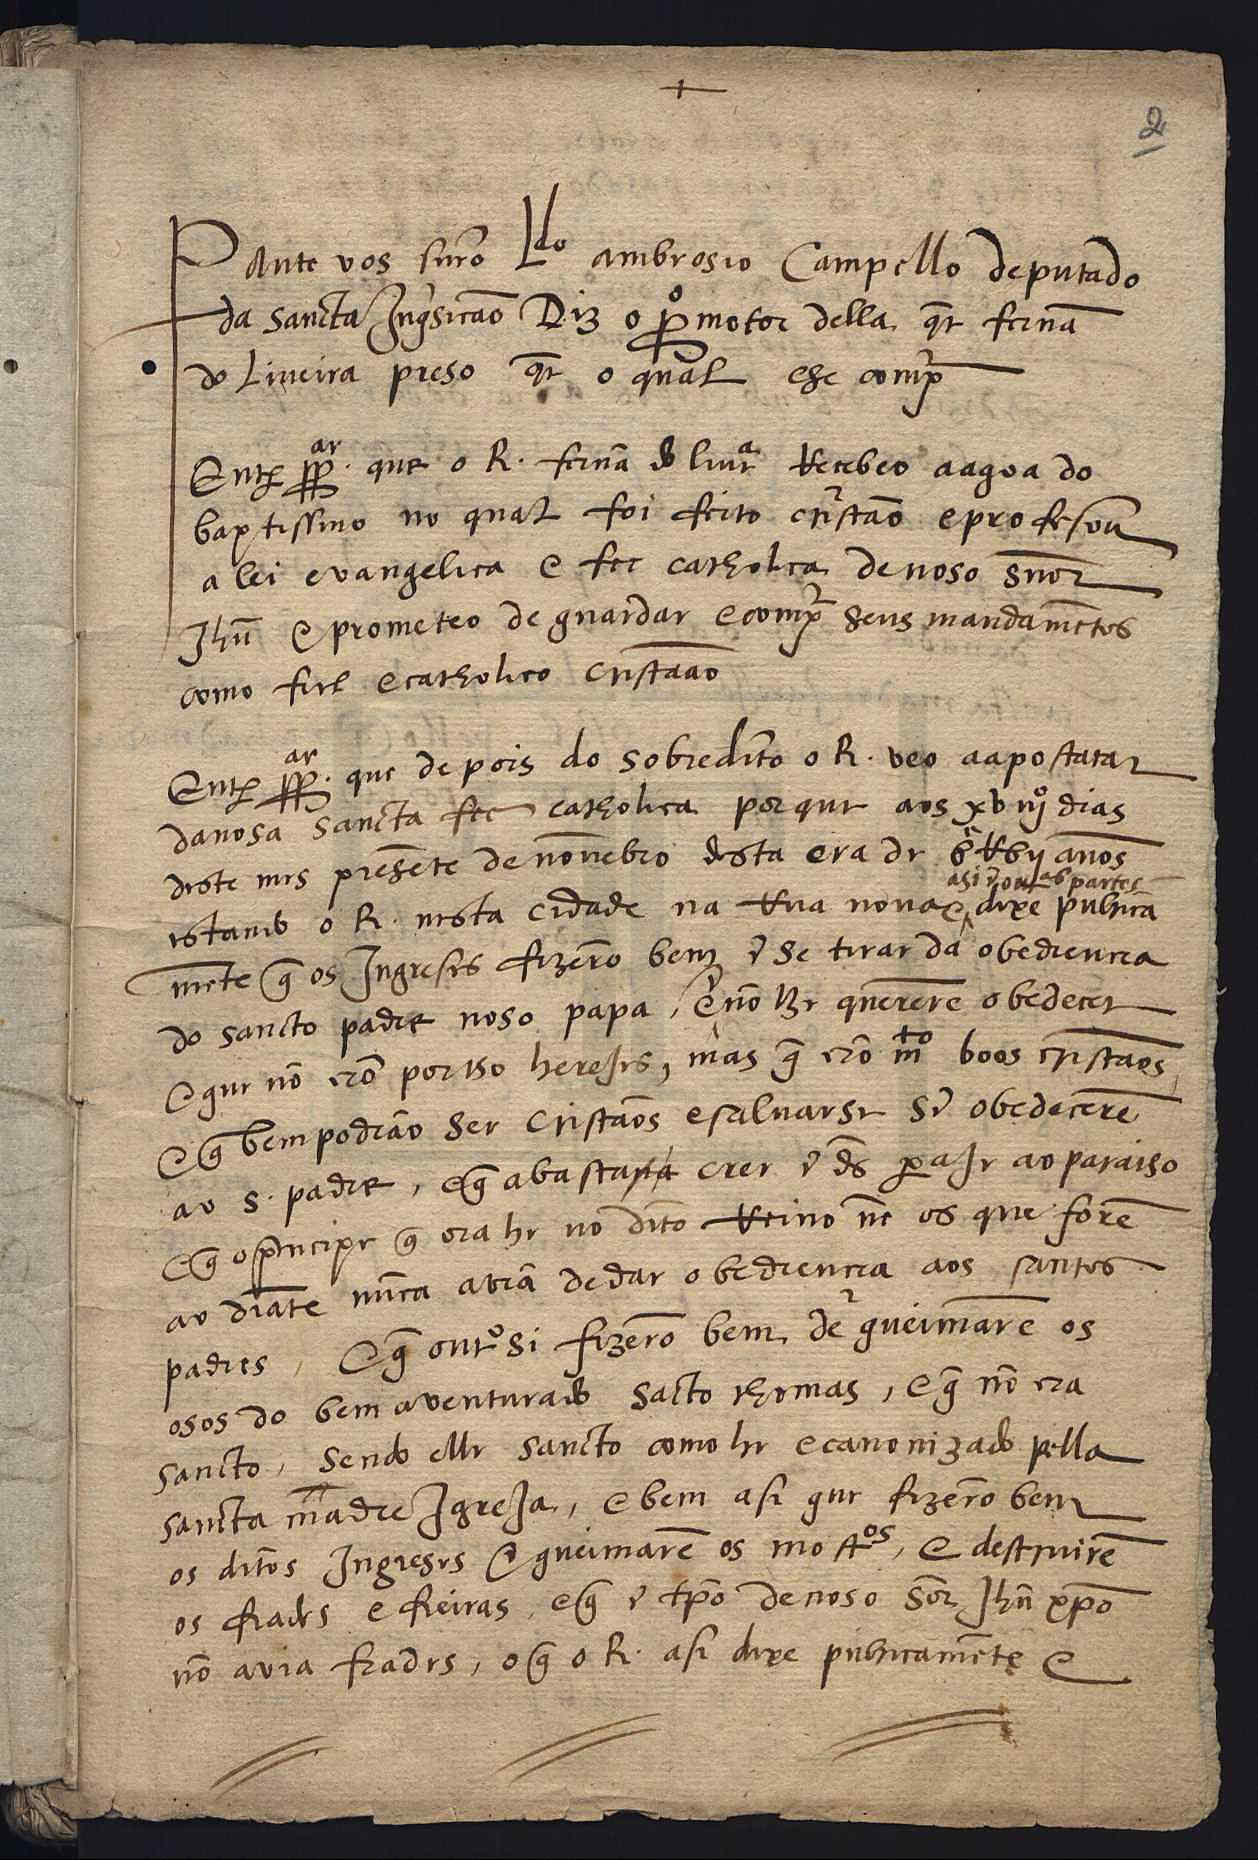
ꝐAnte vos snr̄o Ldo ambrosio Campello deputado
da sancta Jnq̄sicão Diz o ꝓomotor della ꝯ̄t fernā
doLiueira preso ꝯ̄t o qual lhe compr
Entꝭ ꝓꝑar. que o R. fernā doliura Reçebeo a agoa do
baptismo no qual foi feito cristão e profesou
a lei evangelica e fee catholica de noso s̄nor
Jhū e prometeo de guardar e compr seus mandamētos
como fiel e catholico cristaão
Entꝭ ꝓꝓar. que depois do sobredito o R. veo a apostatar
da nosa sancta fee catholica porque aos xviijo dias
deste mes presēte de n̄ouebro desta era de bcRbij ānos
asi ē outas partes
estando o R. nesta cidade na Rua noua e dixe pubrica
mete q̄ os Jngreses fizer̄o bem ē se tirar da obediencia
do sancto padre noso papa, e
ē
nō lhe qūerere obedecer
e que nō erō por iso hereJes, mas q̄ erō mto boos cristãos
e q̄ bem podião ser cristãos e saluarse sē obedecēre
ao s. padre, e q̄ abastaua crer ē d̄s ꝑa Jr ao paraiso
e q̄ o p̄incipe q̄ ora he no dito Reino n̄e os que forē
ao dīate nūca aviā de dar obediençia aos santos
padres , e q̄ outosi fizēro bem de queimāre os
osos do bem aventurado Sacto thomas, e q̄ nō era
Sancto, sendo elle sancto como he e canonizado pella
Sancta madre JgreJa, e bem asi que fizer̄o bem
os ditos Jngreses ē queimar̄e os mostos, e destruirē
os frades e freiras , e q̄ ē tp̄o de noso Sōr Jhū xp̄o
nō avia frades, o q̄ o R. asi dixe pubricamēte e
